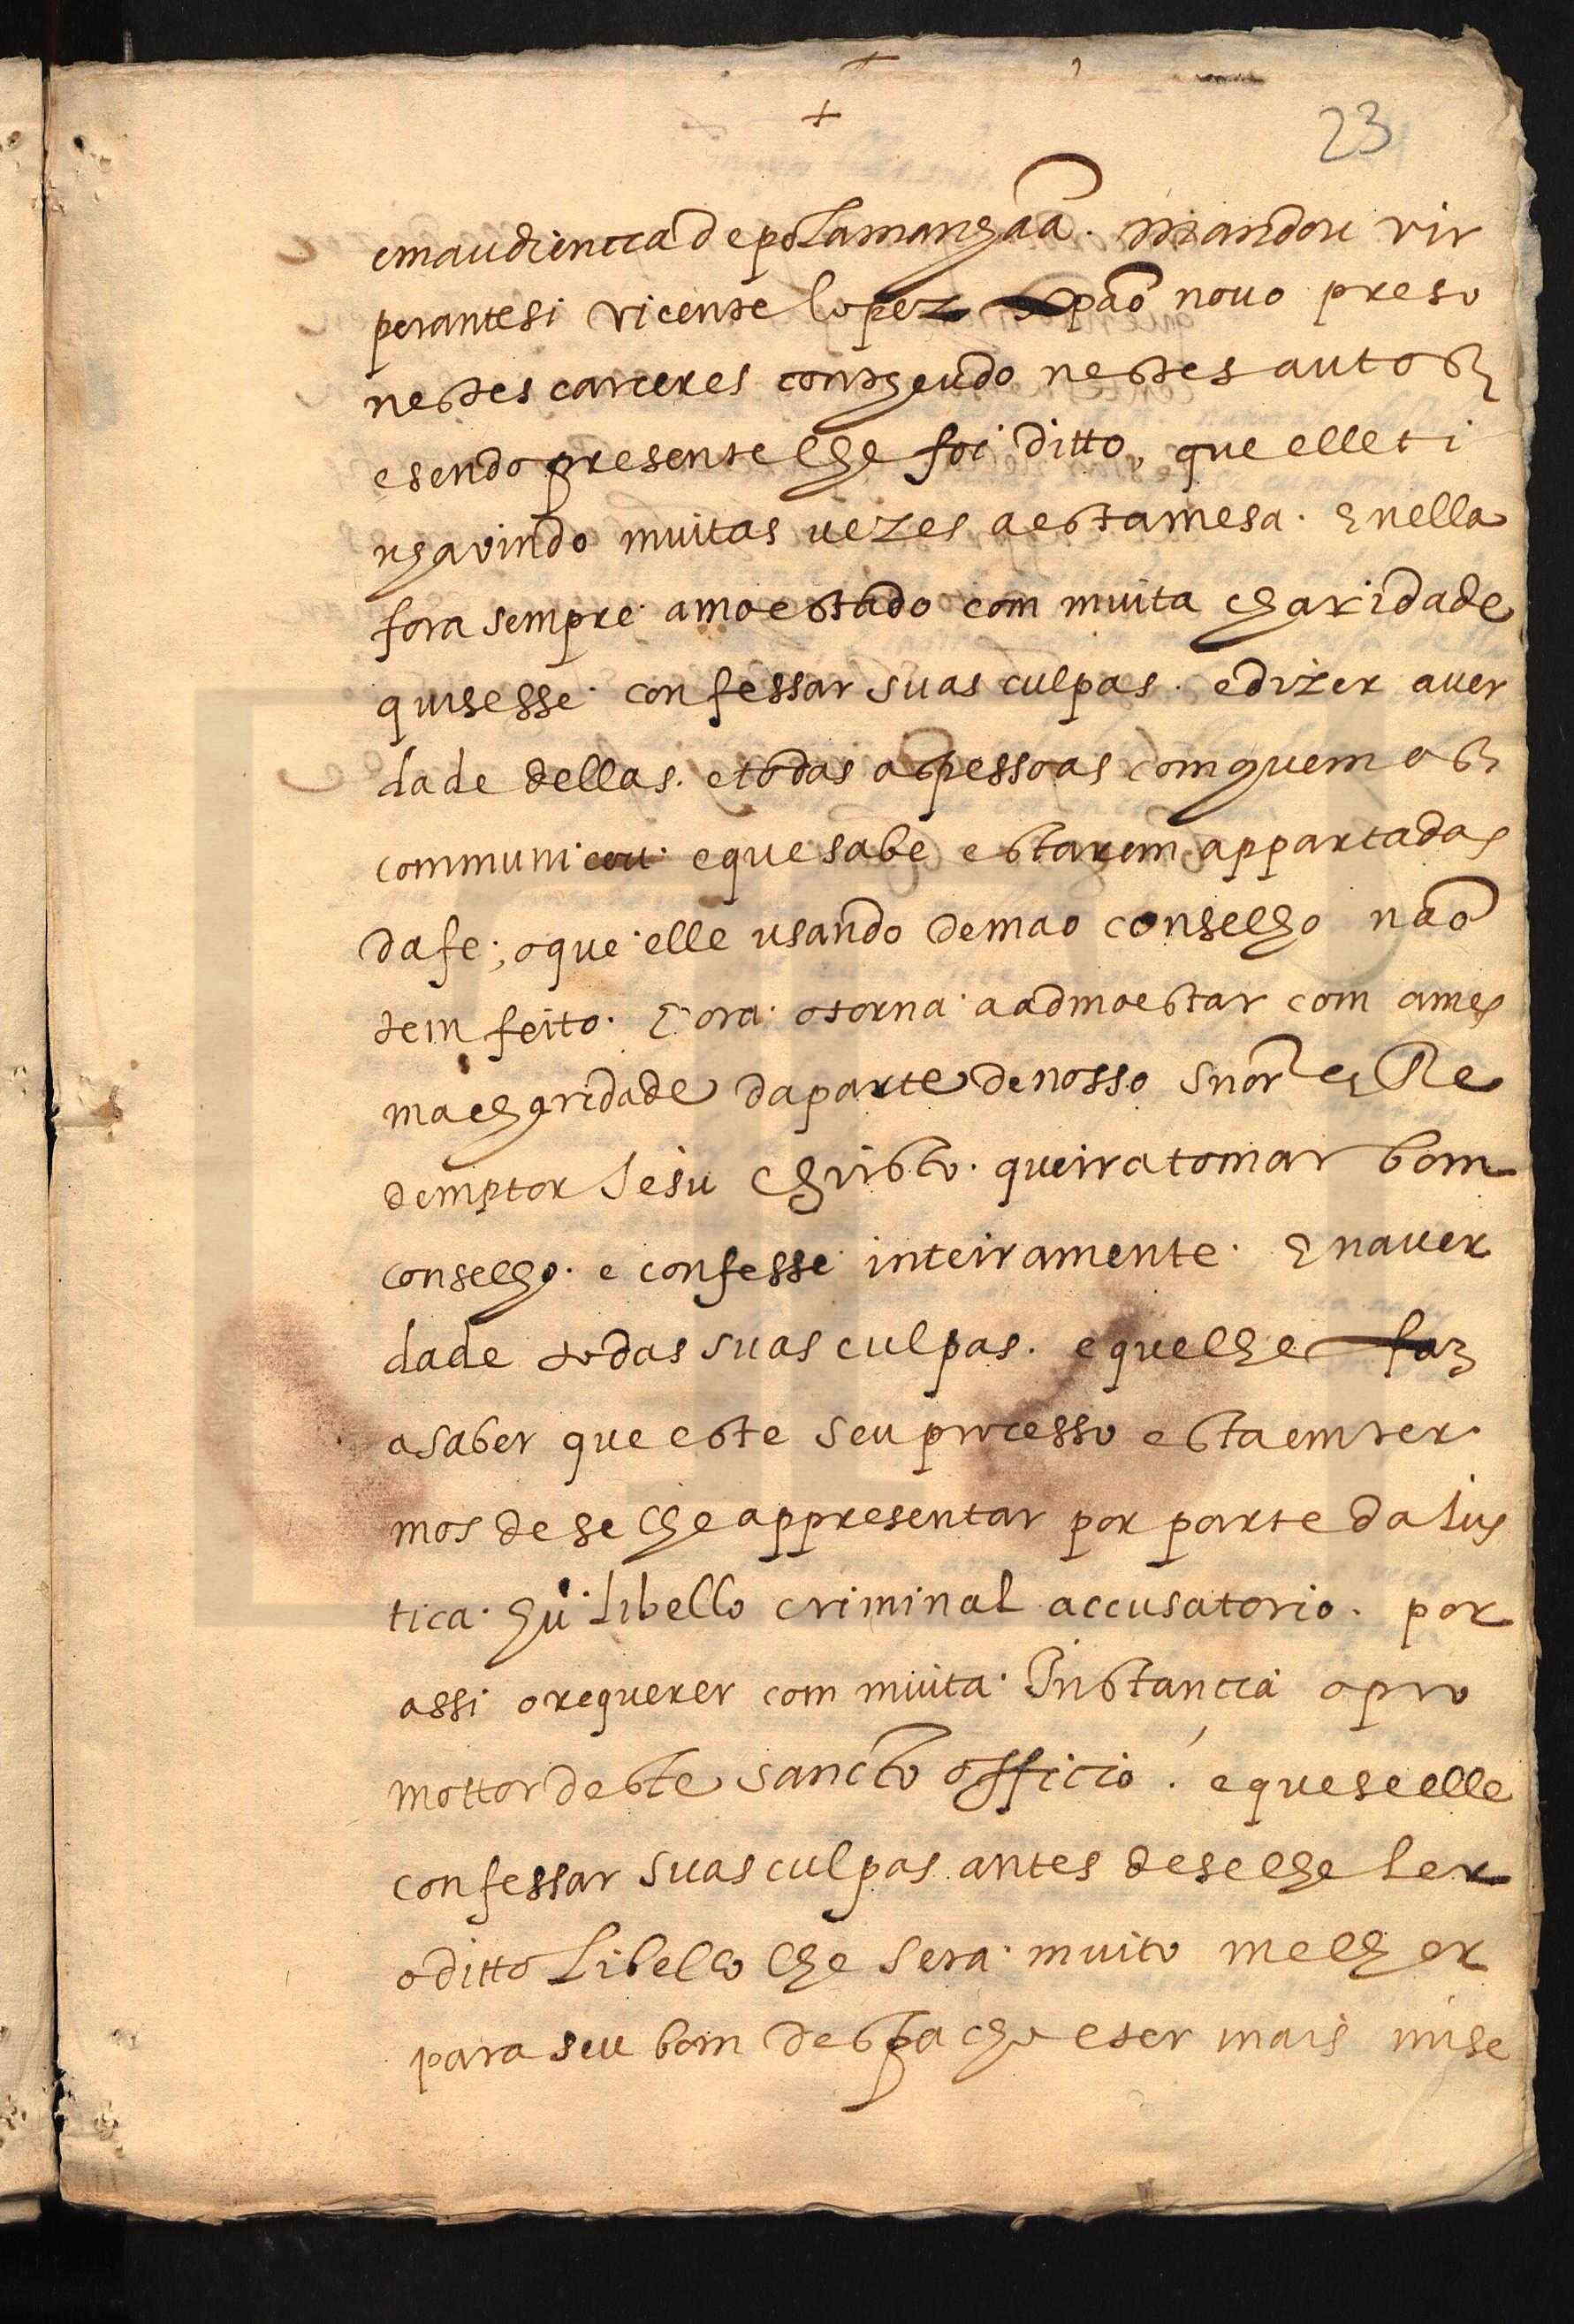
em audiencia de pola manhaā mandou vir
perante si vicente lopez xpaõ nouo preso
nestes carceres contheudo nestes autos
e sendo presente lhe foi ditto que elle ti
nha vindo muitas uezes a esta mesa . E nella
fora sempre amoestado com muita charidade
quisesse confessar suas culpas . e dizer a uer
dade dellas . e todas as pessoas com quem as
communicou . e que sabe estarem appartadas
da fe; o que elle usando de mao conselho naõ
tem feito . E ora o torna a admoestar com a mes
ma charidade da parte de nosso Snōr e Re
demptor Iesu christo queira tomar bom
conselho e confesse inteiramente . E na uer
dade todas suas culpas . e que lhe faz
a saber que este seu processo esta em ter
mos de se lhe appresentar por parte da Ius
tica hū libello criminal accusatorio . por
assi o requerer com muita . Instançia o pro
mottor deste sancto officio . e que se elle
confessar suas culpas antes de se lhe Ler
o ditto Libello lhe sera muito melhor
para seu bom despacho e ter mais mise
